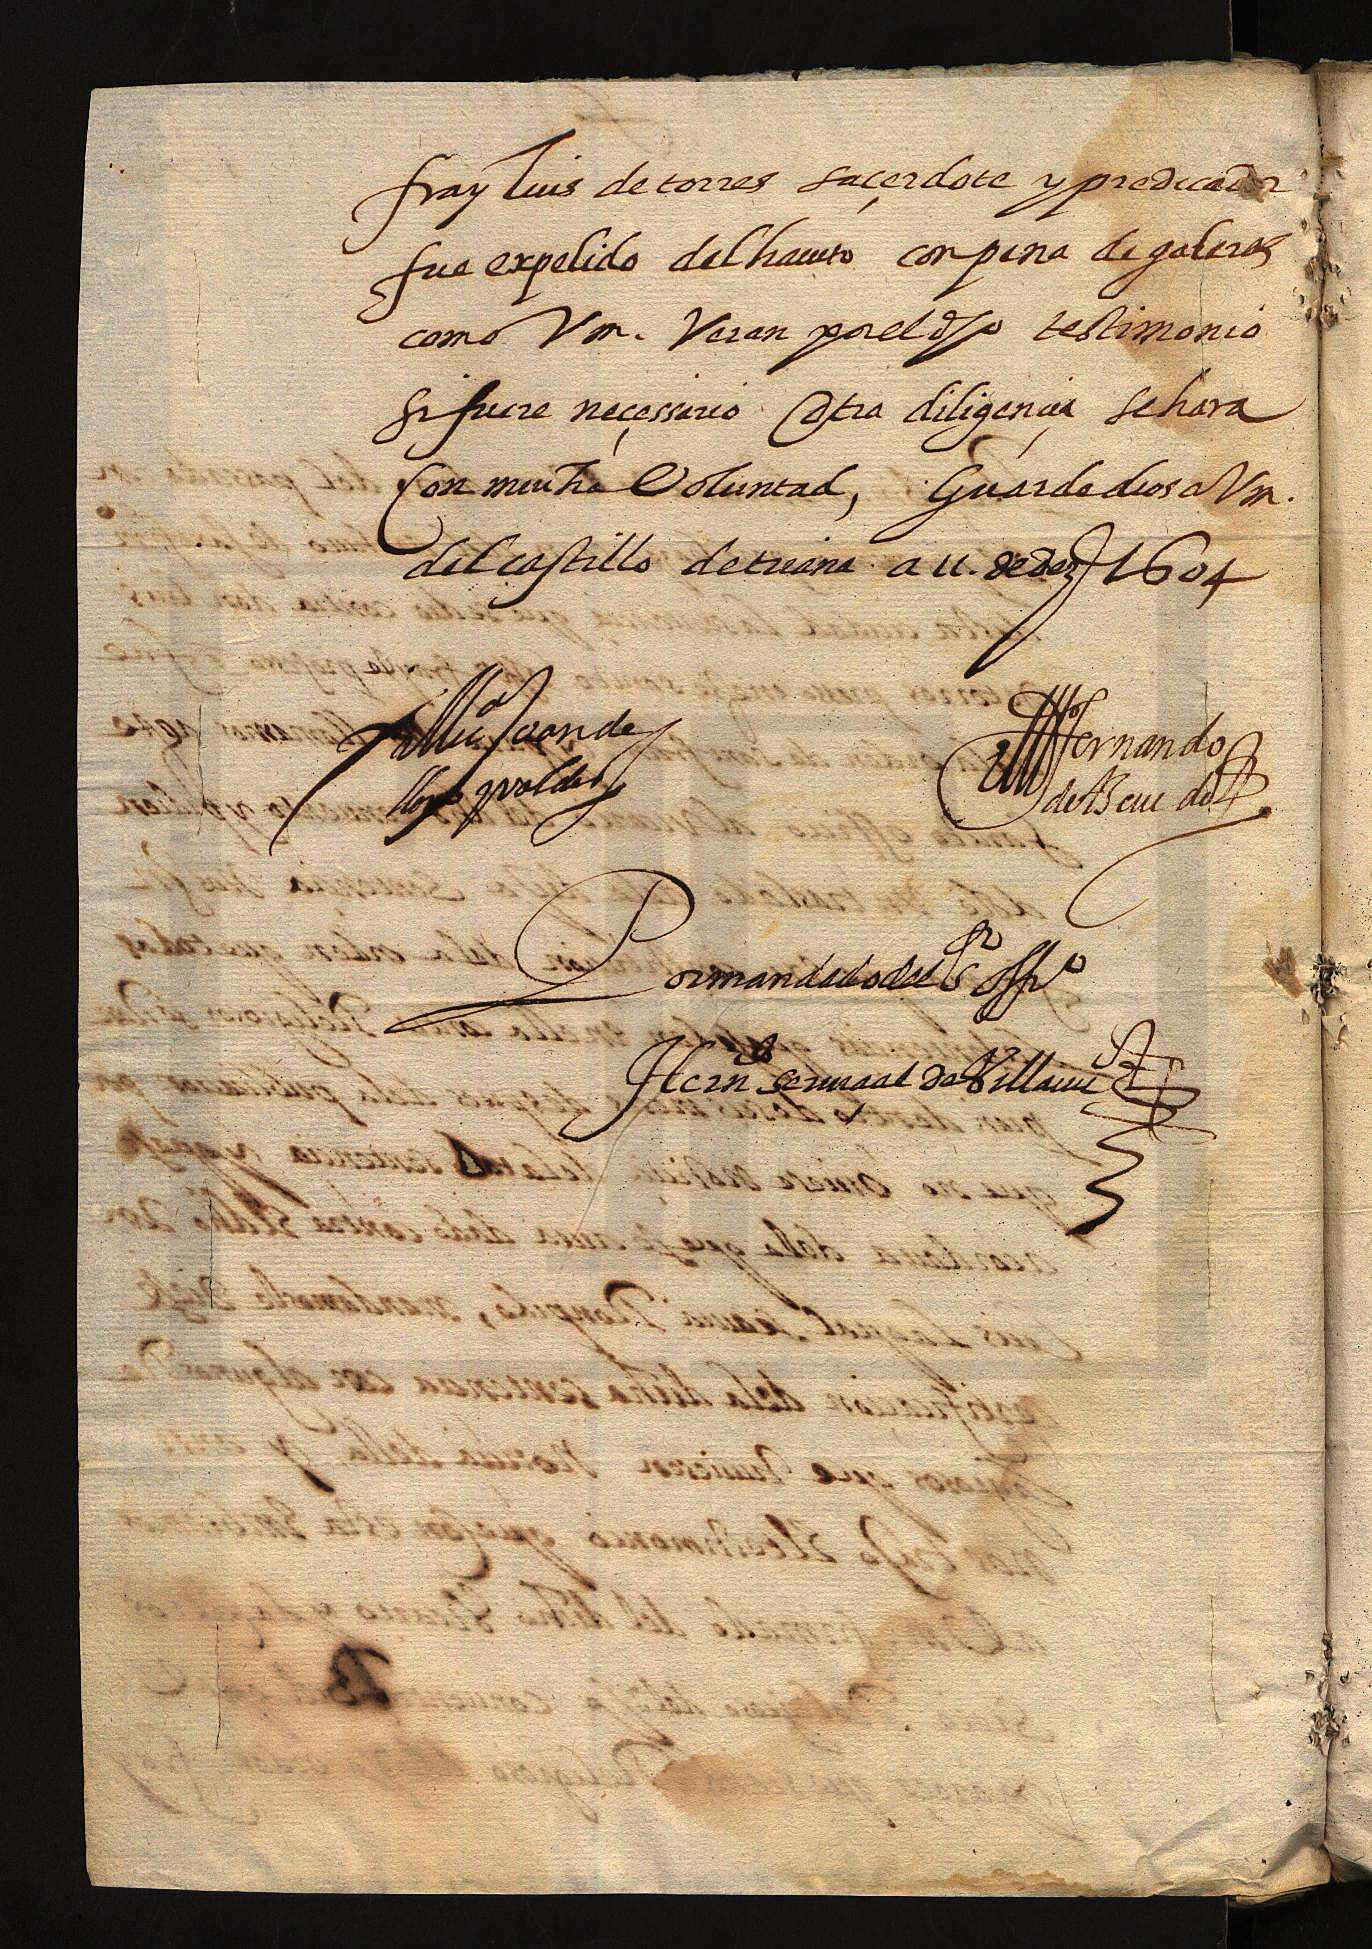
fray Luis de torres sacerdote y predicador
fue expelido del hauito con pena de galeras
como Vm. Veran por el dho testimonio
si fuere necessario otra diligencia se hara
Con mucha Voluntad, Guarde dios a Vm.
del castillo de triana a 11. de Dez̄ 1604
el licdo Juan de
llano y valdes
Hernando
de Azeuedo
Por mandado del sto offio
Hern.do seueraal de VillauicSa
